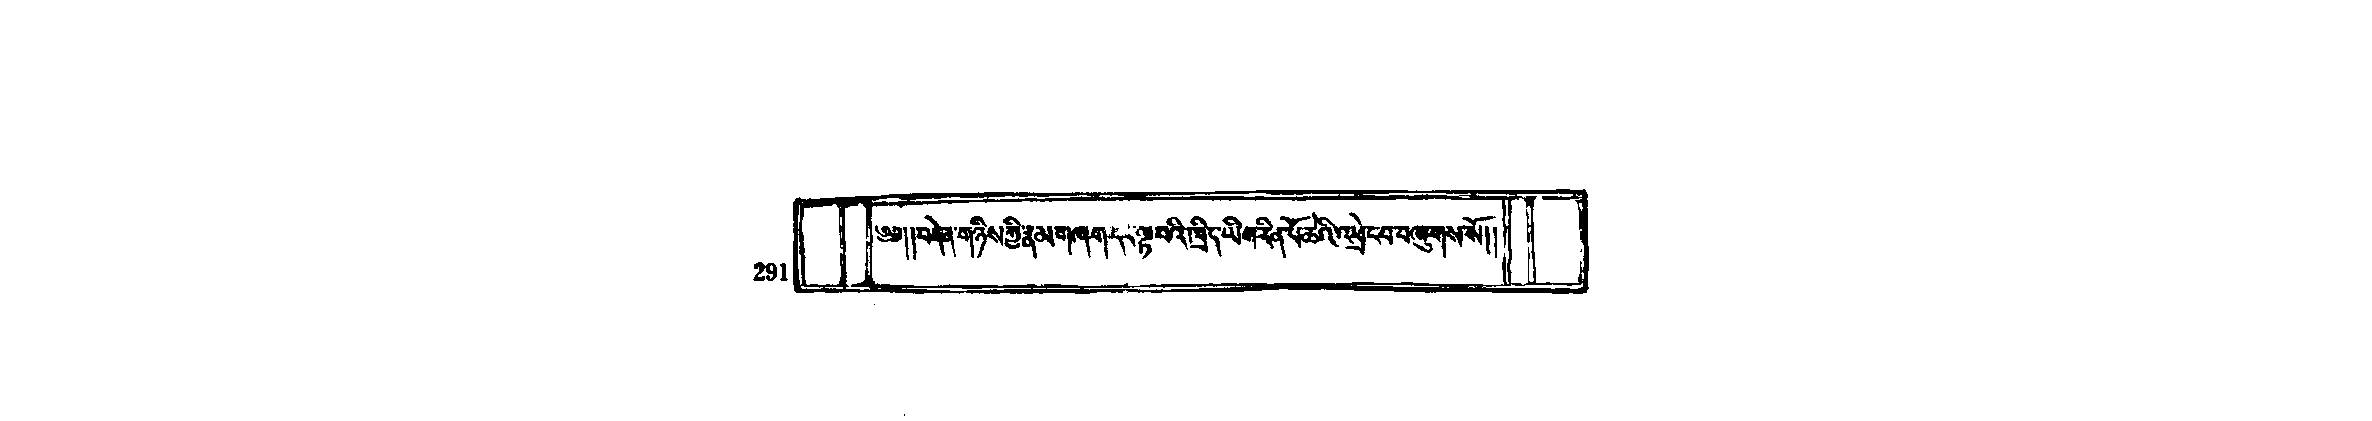༄༅། །བདེན་གཉིས་ཀྱི་རྣམ་གཞག་དང་ལྟ་བའི་ཁྲིད་ཡིག་རིན་པོ་ཆེའི་འཕྲེང་བ་བཞུགས་སོ། །